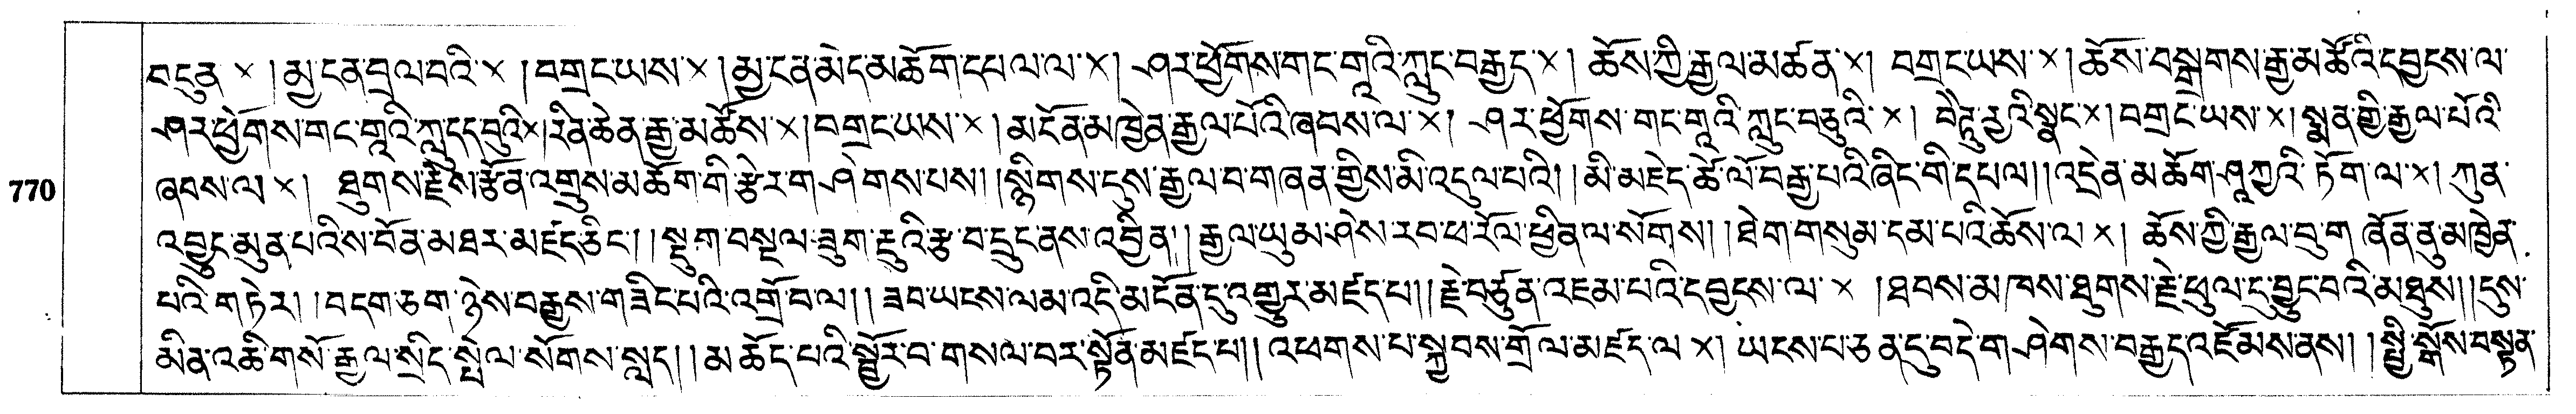བདུན་྾། མྱ་ངན་བྲལ་བའི་྾། བགྲང་ཡས་྾། མྱ་ངན་མེད་མཆོག་དཔལ་ལ་྾། ཤར་ཕྱོགས་གང་གཱའི་ཀླུང་བརྒྱད་྾། ཆོས་ཀྱི་རྒྱལ་མཚན་྾། བགྲང་ཡས་྾། ཆོས་བསྒྲགས་རྒྱ་མཚོའི་དབྱངས་ལ་
ཤར་ཕྱོགས་གང་གཱའི་ཀླུ་དད་བུའི་྾། རིན་ཆེན་རྒྱ་མཚོས་྾། བགྲང་ཡས་྾། མངོན་མཁྱེན་རྒྱལ་པོའི་ཞབས་ལ་྾། ཤར་ཕྱོགས་གང་གཱའི་ཀླུང་བཅུའི་྾། བཻཌཱུ་རྱའི་སྣང་྾། བགྲང་ཡས་྾། སྨན་གྱི་རྒྱལ་པོའི་
ཞབས་ལ་྾། ཐུགས་རྗེས་རྩོན་འགྲུས་མཆོག་གི་རྩེར་གཤེགས་པས། །སྙིགས་དུས་རྒྱལ་བ་གཞན་གྱིས་མི་འདུལ་པའི། །མི་མཇེད་ཚེ་ལོ་བརྒྱ་པའི་ཞིང་གི་དཔལ། །འདྲེན་མཆོག་ཤཱཀྱའི་ཏོག་ལ་྾། ཀུན་
འབྱུང་མུན་པའི་ས་བོན་མཐར་མཛད་ཅིང་། །སྡུག་བསྔལ་ཟུག་རྔུའི་རྩ་བ་དྲུང་ནས་འབྱིན། །རྒྱལ་ཡུམ་ཤེས་རབ་ཕ་རོལ་ཕྱིན་ལ་སོགས། །ཐེག་གསུམ་དམ་པའི་ཆོས་ལ་྾། ཆོས་ཀྱི་རྒྱལ་བུ་གཞོན་ནུ་མཁྱེན་
པའི་གཏེར། །བདག་ཅག་ཉེས་བརྒྱས་གཟིང་པའི་འགྲོ་བ་ལ། །ཟབ་ཡངས་ལམ་འདི་མངོན་དུ་འགྱུར་མཛད་པ། །རྗེ་བཙུན་འཇམ་པའི་དབྱངས་ལ་྾། ཐབས་མཁས་ཐུགས་རྗེ་ཕུལ་དུ་བྱུང་བའི་མཐུས། །དུས་
མིན་འཆི་གསོ་རྒྱལ་སྲིད་སྤེལ་སོགས་སླད། །མཆོད་པའི་སྦྱོར་བ་གསལ་བར་སྟོན་མཛད་པ། །འཕགས་པ་སྐྱབས་གྲོ་ལ་མཛད་ལ་྾། ཡངས་པ་ཅན་དུ་བདེ་གཤེགས་བརྒྱད་འཛོམས་ནས། །སྤྱི་སྒོས་བསྟ་